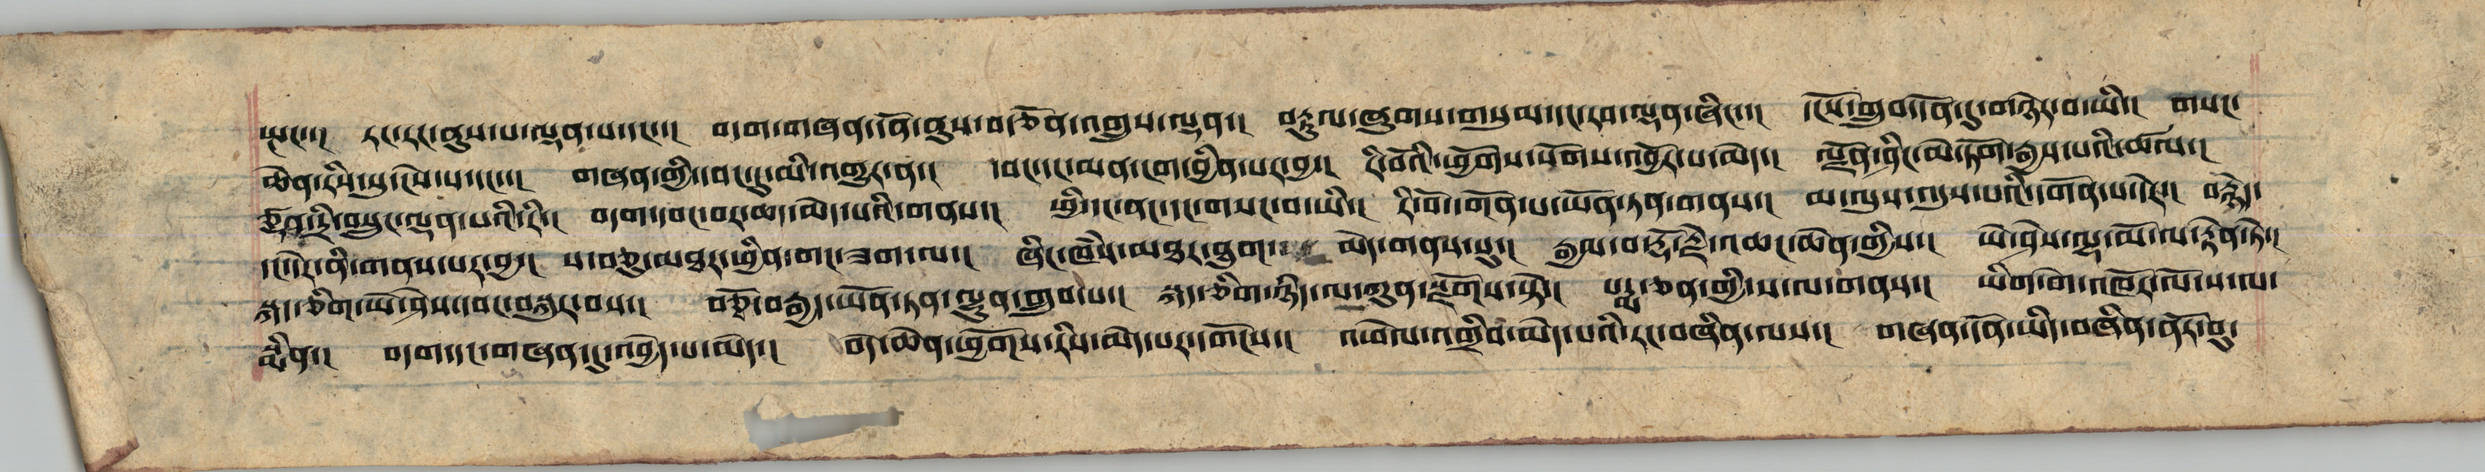སྤང་་། རང་རང་ནུས་པ་ལྡན་པ་དང་་། བདག་གཞན་དོན་ནུས་བརྩོན་འགྲུས་ལྡན་། བརྟུལ་ཞུགས་གསུམ་དང་རབ་ལྡན་ཞིང་་། དངོས་གྲུབ་དོན་དུ་གཉེར་བ་ཡི་། གསང་
ཆེན་རིས་སུ་ངེས་པ་དང་་། གཞན་གྱི་དབང་དུ་མི་འགྱུར་ན་། དབང་དང་མན་ངག་བྱིན་པར་བྱ་། རི་བོའི་ཕྱོགས་སོགས་འབྱོར་པ་མེད་། ལྗོན་ཤིང་མེ་ཏོག་རྒྱས་པའི་ཚལ་།
ཙནྡ་དྲི་བསྲུང་ལྡན་པའི་རི་། བདག་དབང་བར་ཆད་མེད་པའི་གནས་། ཕྱི་དང་ནང་དང་གསང་བ་ཡི་། རི་བོ་དགོན་པ་ཡོན་ཏན་གནས་། མ་ལུས་འདུས་པའི་དགོན་པ་དེར་། བརྙེད་
དང་དེར་ནི་གནས་པར་བྱ་། ས་བཅུ་མཐར་ཕྱིན་གང་ཟག་ལ་། ཞིང་ཁཾས་མཐར་ཐུག་ མེད་གནས་སུ་། རྒྱལ་བ་རྡོ་རྗེ་འཆང་ཆེན་གྱིས་། ཡེ་ཤེས་ལྷ་མོ་ལ་རྟེན་ཏེ་།
སྐད་ཅིག་ཡེ་ཤེས་དབང་བསྐུར་བས་། བཅྭོ་བརྒྱད་ཡོན་ཏན་ལྷུན་གྲུབ་པ་། སྐད་ཅིག་ཉིད་ལ་ཀུན་སྫོགས་སྟེ་། པདྨ་ཅན་གྱི་ས་ལ་གནས་། ཡིག་གེ་འཁོར་ལོ་ས་ལ་
སྨིན་། བདག་དང་གཞན་དུ་འབྱེད་པ་མེད་། བདེ་ཆེན་ཕྱོགས་རིས་མེད་པར་དགོངས་། འཕེལ་འགྲིབ་མེད་པའི་རང་བཞིན་ལས་། གཞན་དོན་ཡིད་བཞིན་ནོར་བུ་